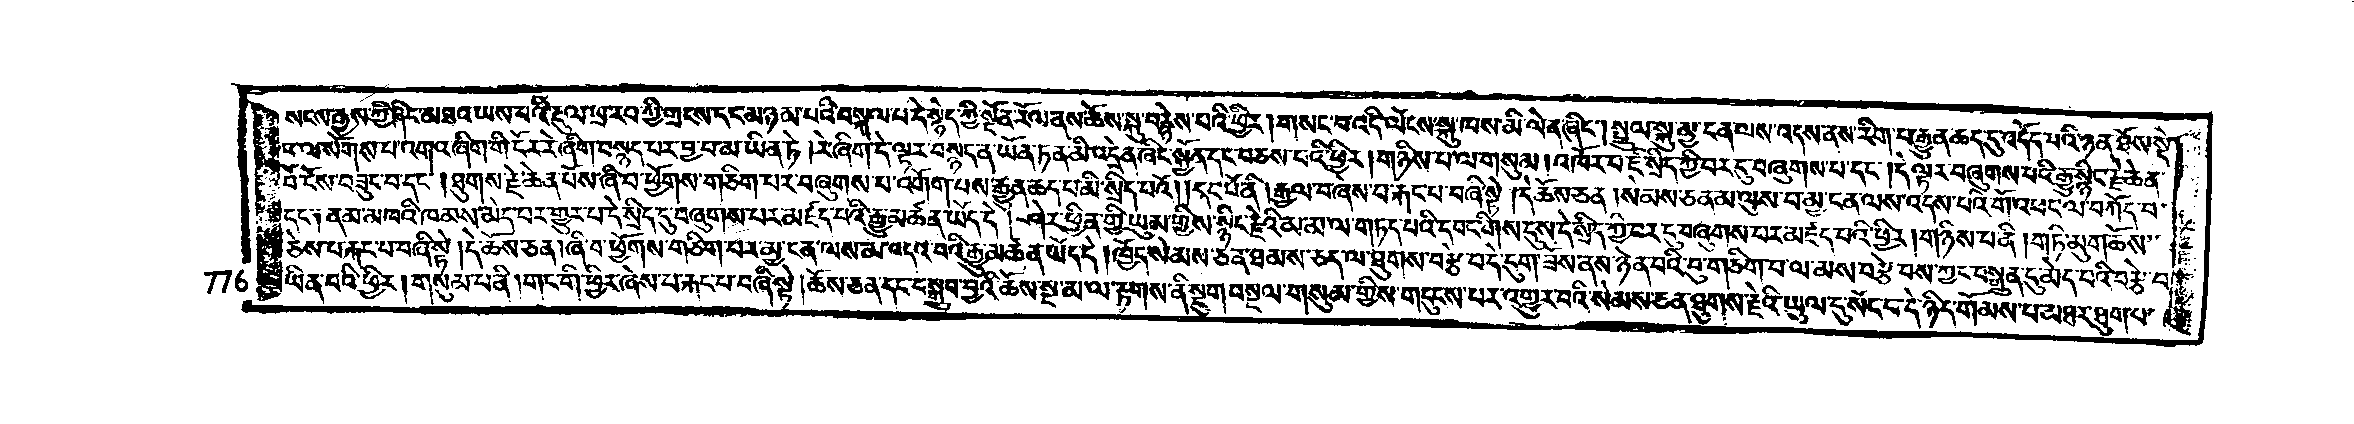སངས་རྒྱས་ཀྱི་ཞིང་མཐའ་ཡས་པའི་རྡུལ་ཕྲ་རབ་ཀྱི་གྲངས་དང་མཉམ་པའི་བསྐལ་པ་དེ་སྙེད་ཀྱི་སྔོན་རོལ་ནས་ཆོས་སྐུ་བརྙེས་པའི་ཕྱིར། གསང་བ་འདི་ལོངས་སྐུ་ཁས་མི་ལེན་ཞིང་། སྤྲུལ་སྐུ་མྱ་ངན་ལས་འདས་ནས་རིག་པ་རྒྱུན་ཆད་དུ་འདོད་པའི་ཉན་ཐོས་སྡེ་
བ་ལ་སོགས་པ་འགའ་ཞིག་གི་ངོར་རེ་ཞིག་བསྙད་པར་བྱ་བ་མ་ཡིན་ཏེ། རེ་ཞིག་དེ་ལྟར་བསྙད་ན་ཡོན་ཏན་མི་འདྲེན་ཞིང་སྐྱོན་དང་བཅས་པའི་ཕྱིར། གཉིས་པ་ལ་གསུམ། འཁོར་བ་ཇི་སྲིད་ཀྱི་བར་དུ་བཞུགས་པ་དང་། དེ་ལྟར་བཞུགས་པའི་རྒྱུ་སྙིང་རྗེ་ཆེན་
པོ་ངོས་བཟུང་བ་དང་། ཐུགས་རྗེ་ཆེན་པོས་ཞི་བ་ཕྱོགས་གཅིག་པར་བཞུགས་པ་འགོག་པས་རྒྱུན་ཆད་པ་མི་སྲིད་པའོ། །དང་པོ་ནི། རྒྱལ་བ་ཞེས་པ་རྐང་པ་བཞི་སྟེ། དེ་ཆོས་ཅན། སེམས་ཅན་མ་ལུས་པ་མྱ་ངན་ལས་འདས་པའི་གོ་འཕང་ལ་བཀོད་པ་
དང༑ ནམ་མཁའི་ཁམས་མེད་པར་གྱུར་པ་དེ་སྲིད་དུ་བཞུགས་པར་མཛད་པའི་རྒྱུ་མཚན་ཡོད་དེ། ཤེར་ཕྱིན་གྱི་ཡུམ་གྱིས་སྙིང་རྗེའི་མ་མ་ལ་གཏད་པའི་དབང་གིས་དུས་དེ་སྲིད་ཀྱི་བར་དུ་བཞུགས་པར་མཛད་པའི་ཕྱིར། གཉིས་པ་ནི། གཏི་མུག་ཆོས་
ཅེས་པ་རྐང་པ་བཞི་སྟེ། དེ་ཆོས་ཅན། ཞི་བ་ཕྱོགས་གཅིག་པར་མྱ་ངན་ལས་མ་འདའ་བའི་རྒྱུ་མཚན་ཡོད་དེ། ཁྱོད་སེམས་ཅན་ཐམས་ཅད་ལ་ཐུགས་བརྩེ་བ་དེ་དུག་ཟོས་ནས་ཉོན་པའི་བུ་གཅིག་པ་ལ་མས་བརྩེ་བས་ཀྱང་བསྒྲུན་དུ་མེད་པའི་བརྩེ་བ་
ཡིན་པའི་ཕྱིར། གསུམ་པ་ནི། གང་གི་ཕྱིར་ཞེས་པ་རྐང་པ་བཞི་སྟེ། ཆོས་ཅན་དང་བསྒྲུབ་བྱའི་ཆོས་སྔ་མ་ལ་རྟགས་ནི་སྡུག་བསྔལ་གསུམ་གྱིས་གདུངས་པར་འགྱུར་བའི་སེམས་ཅན་ཐུགས་རྗེའི་ཡུལ་དུ་སོང་བ་དེ་ཉིད་གོམས་པ་མཐར་ཐུག་པ་